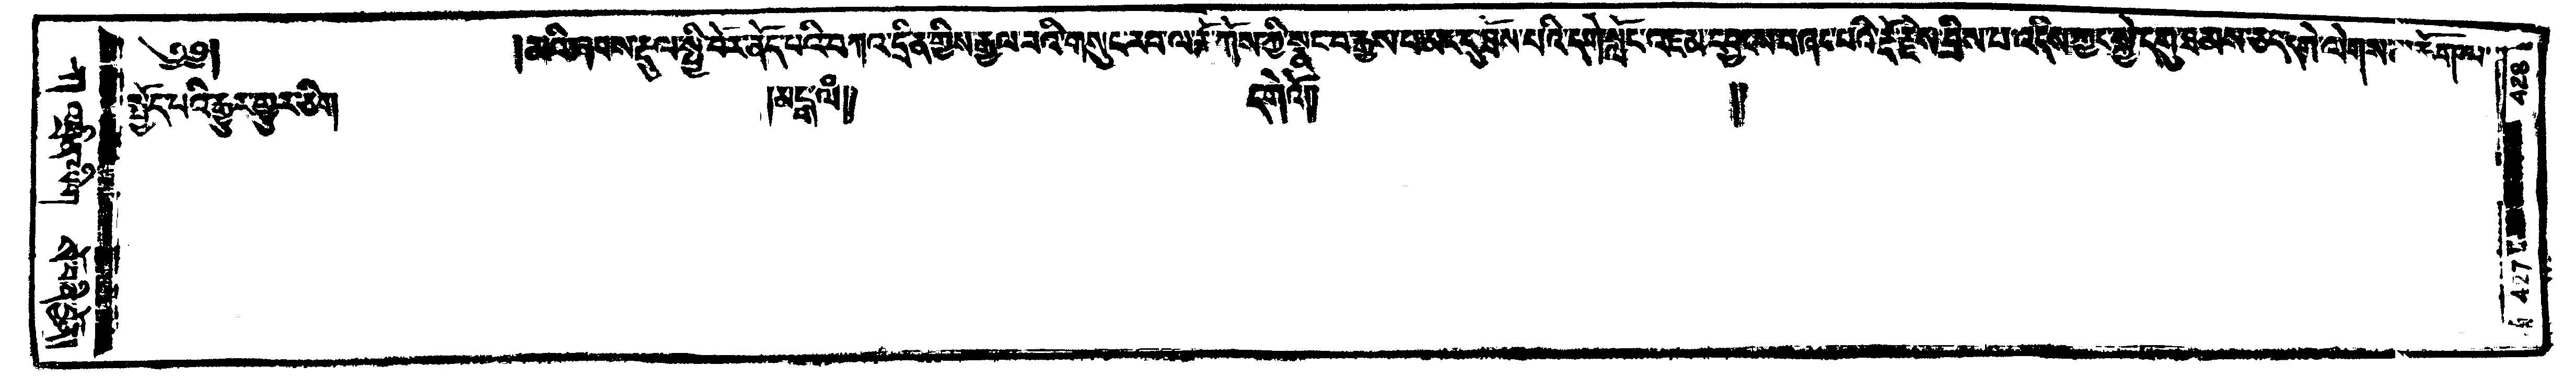༄༅། །མའི་ཐབས་རྡུལ་སྤྱི་བོར་ནོད་པའི་བཀའ་དྲིན་གྱིས་རྒྱལ་བའི་གསུང་རབ་ལ་ཌོ་ཀོས་ཀྱི་སྣང་བ་རྒྱས་བ་མང་དུ་ཐོས་པའི་དགེ་སློང་འཇམ་དབྱངས་བཞང་བའི་རྡོ་རྗེས་བྲིས་པ་འདིས་ཀྱང་སྐྱེ་དགུ་ཐམས་ཅད་གེ་ལེགས་འཚོགས?
སྤྱོད་པའི་རྒྱུར་གྱུར་ཅིག །མངྒ་ལཾ།། དགེའོ།